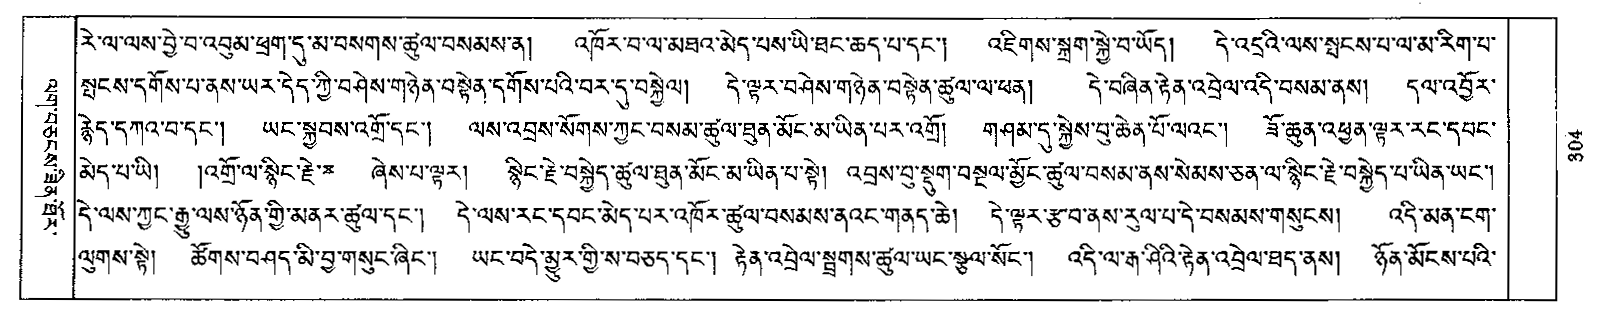རེ་ལ་ལས་བྱེ་བ་འབུམ་ཕྲག་དུ་མ་བསགས་ཚུལ་བསམས་ན། འཁོར་བ་ལ་མཐའ་མེད་པས་ཡི་ཐང་ཆད་པ་དང་། འཇིགས་སྐྲག་སྐྱེ་བ་ཡོད། དེ་འདྲའི་ལས་སྤངས་པ་ལ་མ་རིག་པ་
སྤངས་དགོས་པ་ནས་ཡར་དེད་ཀྱི་བཤེས་གཉེན་བསྟེན་དགོས་པའི་བར་དུ་བསྐྱེལ། དེ་ལྟར་བཤེས་གཉེན་བསྟེན་ཚུལ་ལ་ཕན། དེ་བཞིན་རྟེན་འབྲེལ་འདི་བསམ་ནས། དལ་འབྱོར་
རྙེད་དཀའ་བ་དང་། ཡང་སྐྱབས་འགྲོ་དང་། ལས་འབྲས་སོགས་ཀྱང་བསམ་ཚུལ་ཐུན་མོང་མ་ཡིན་པར་འགྲོ། གཤམ་དུ་སྐྱེས་བུ་ཆེན་པོ་ལའང་། ཟོ་ཆུན་འཕྱན་ལྟར་རང་དབང་
མེད་པ་ཡི། །འགྲོ་ལ་སྙིང་རྗེ་྾་ཞེས་པ་ལྟར། སྙིང་རྗེ་བསྐྱེད་ཚུལ་ཐུན་མོང་མ་ཡིན་པ་སྟེ། འབྲས་བུ་སྡུག་བསྔལ་མྱོང་ཚུལ་བསམ་ནས་སེམས་ཅན་ལ་སྙིང་རྗེ་བསྐྱེད་པ་ཡིན་ཡང་།
དེ་ལས་ཀྱང་རྒྱུ་ལས་ཉོན་གྱི་མནར་ཚུལ་དང་། དེ་ལས་རང་དབང་མེད་པར་འཁོར་ཚུལ་བསམས་ནའང་གནད་ཆེ། དེ་ལྟར་རྩ་བ་ནས་རུལ་པ་དེ་བསམས་གསུངས། འདི་མན་ངག་
ལུགས་སྟེ། ཚོགས་བཤད་མི་བྱ་གསུང་ཞིང་། ཡང་བདེ་མྱུར་གྱི་ས་བཅད་དང་། རྟེན་འབྲེལ་སྦྲགས་ཚུལ་ཡང་སྩལ་སོང་། འདི་ལ་རྒ་ཤིའི་རྟེན་འབྲེལ་ཐད་ནས། ཉོན་མོངས་པའི་